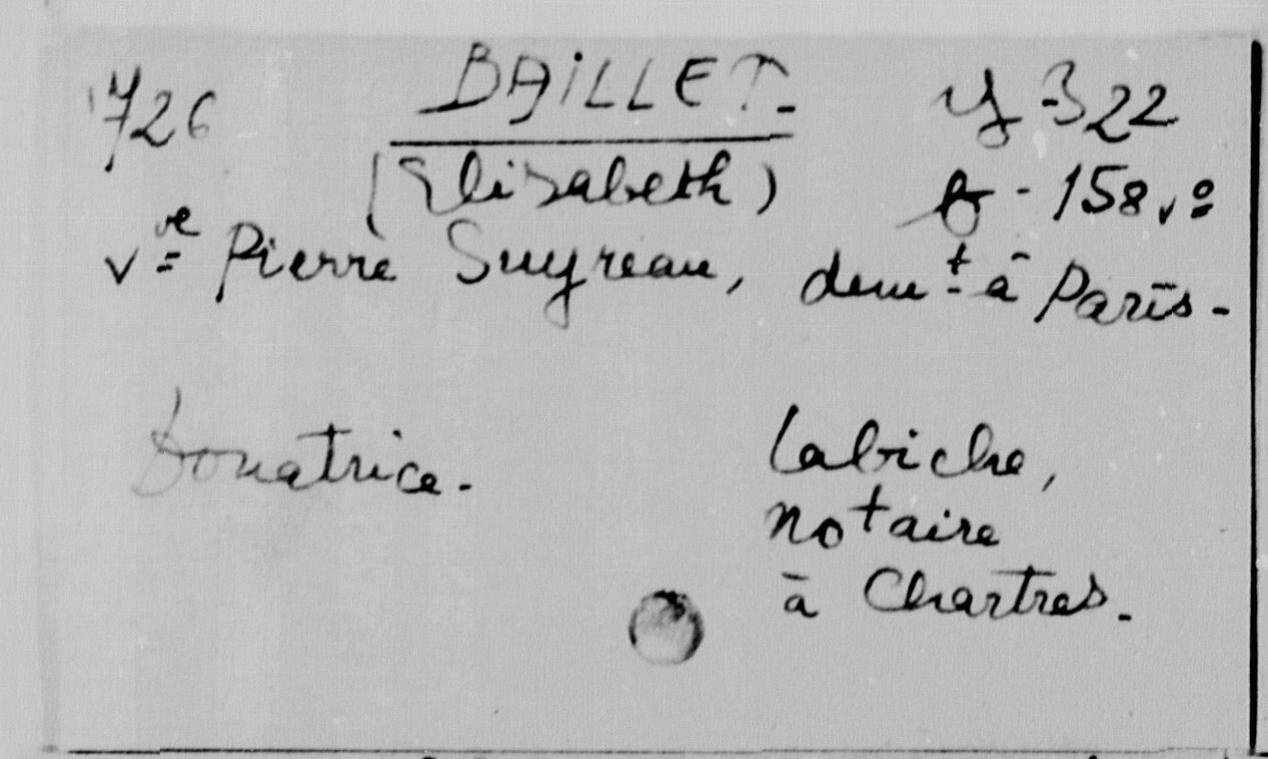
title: BAILLET (Elizabeth)
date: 1726
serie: Y
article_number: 322
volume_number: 158v
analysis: Veuve Pierre Suyreau, demeurant à Paris Donatrice Labiche, notaire à Chartres
